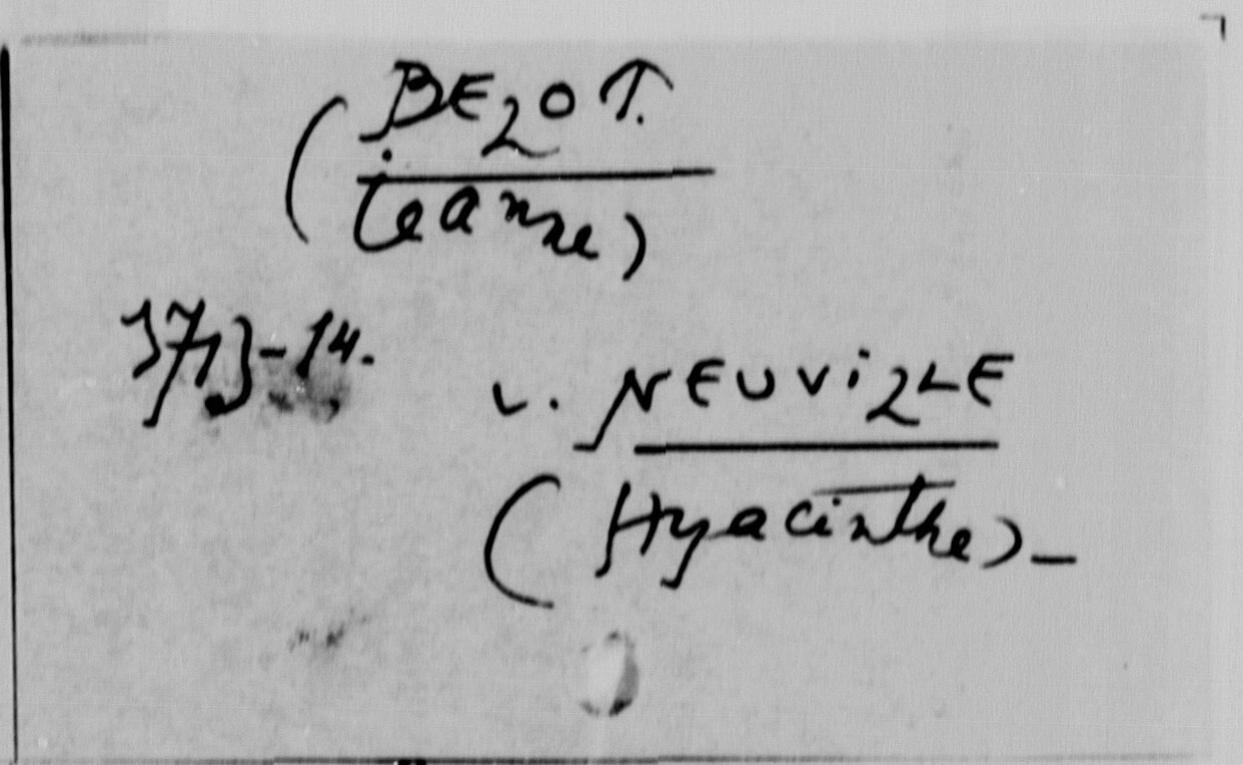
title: BELOT (Jeanne)
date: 1713-1714
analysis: Voir NEUVILLE (Hyacinthe)
